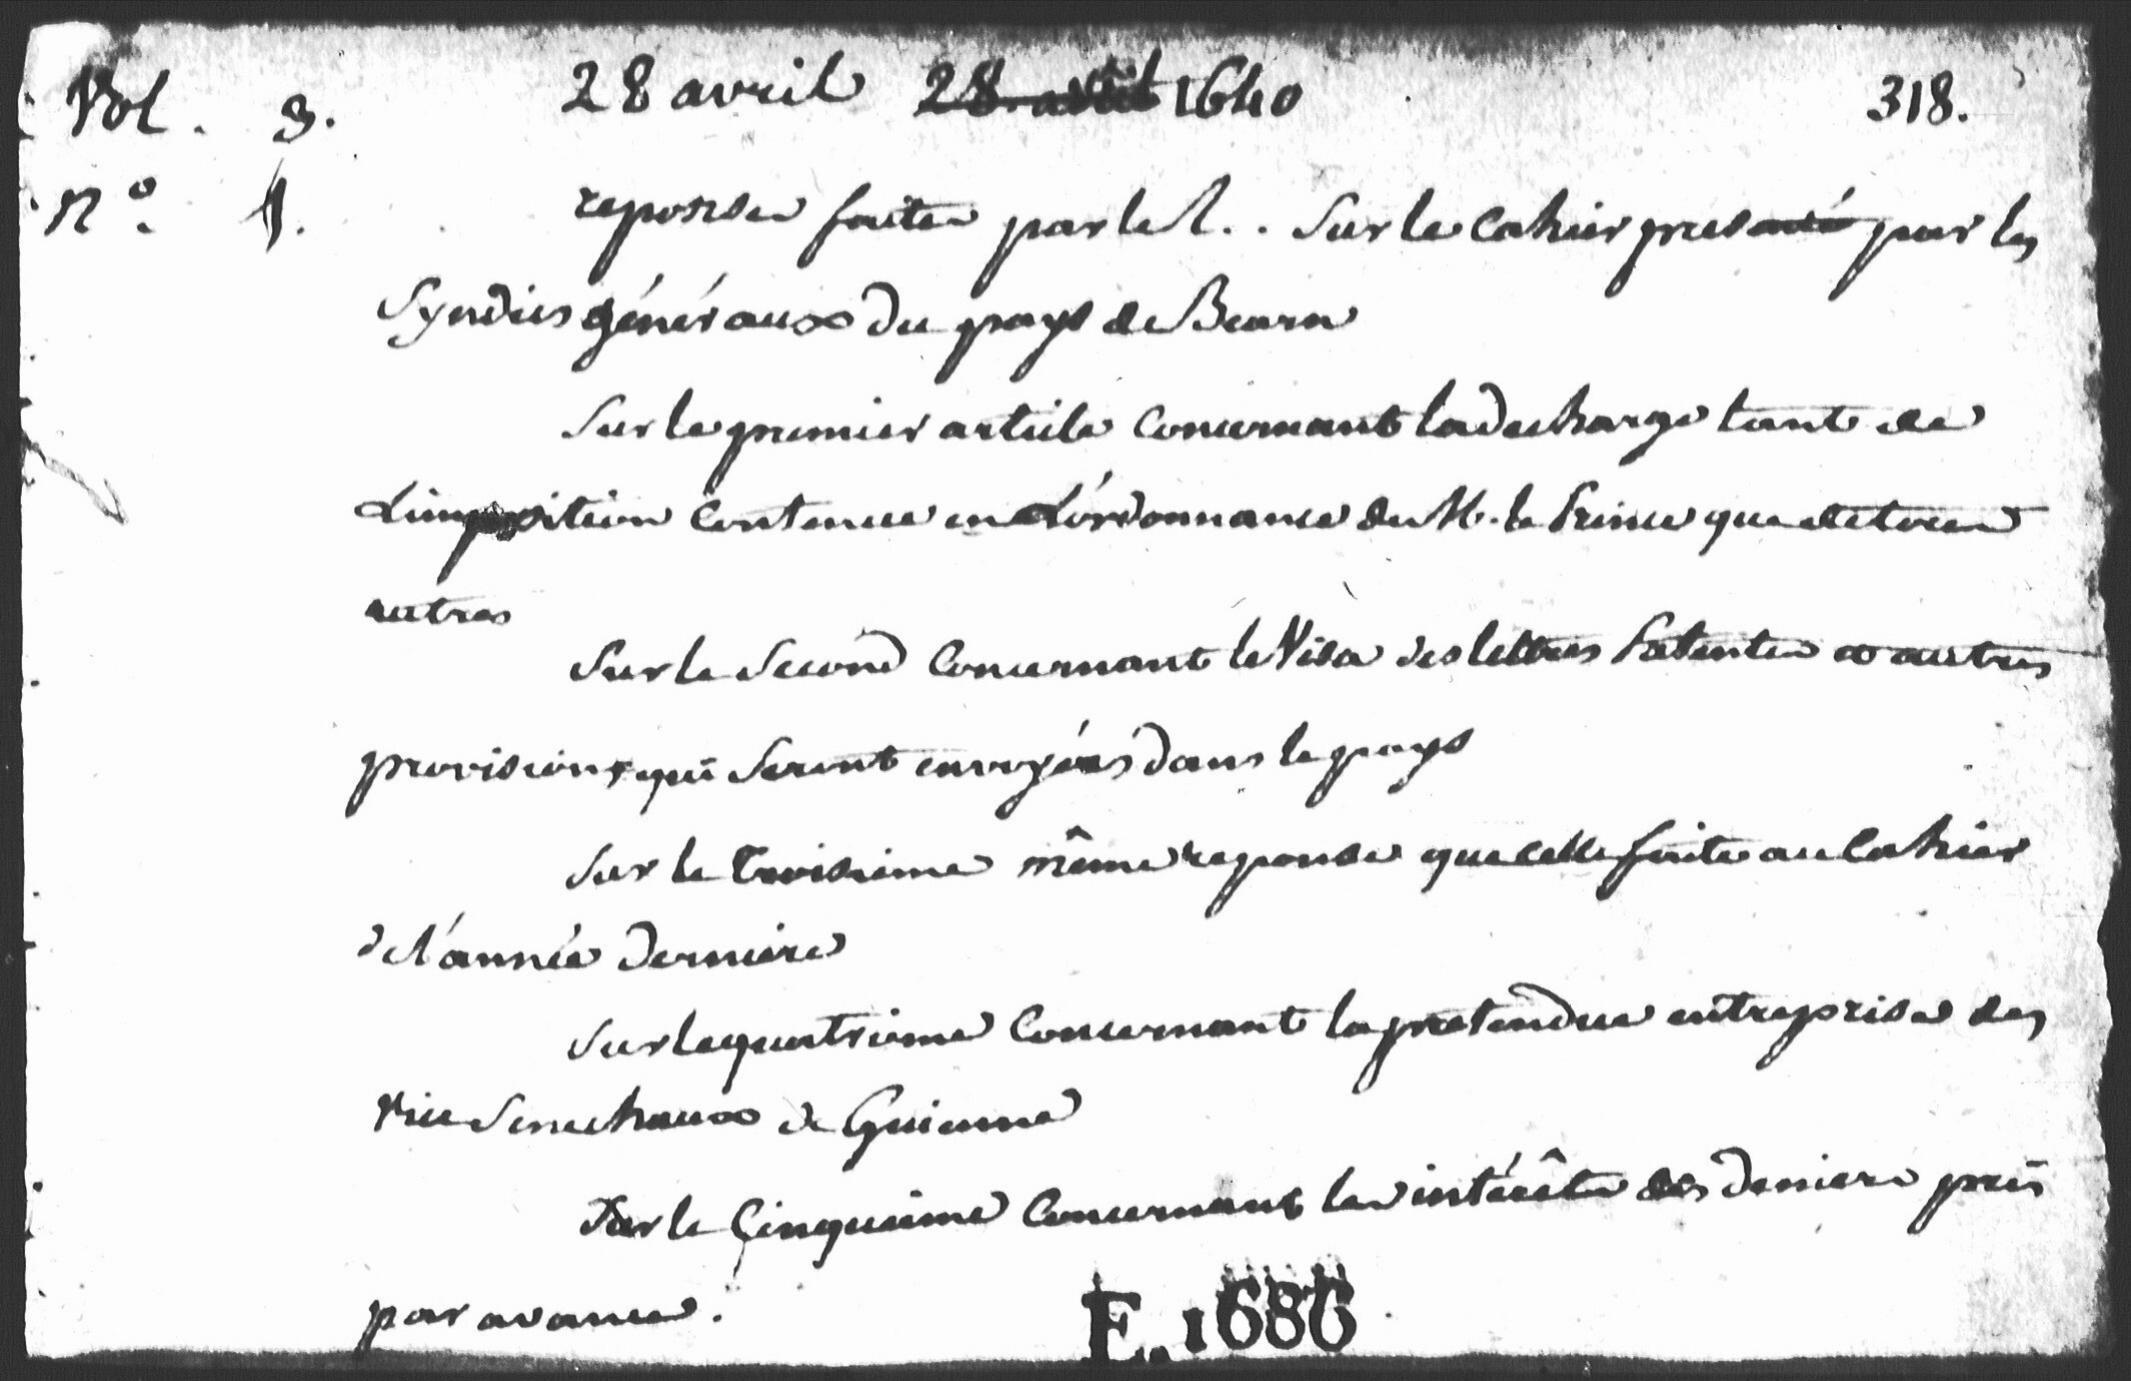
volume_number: n°1
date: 28 avril 1640
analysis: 318.
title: reponses faites par le R. . sur le cahier presenté par les syndics généraux du pays de Bearn Sur le premier article concernant la decharge tant de l'imposition contenue en l'ordonnance de M le Prince que de tous autres Sur le second concernant le Visa des lettres patentes et autres provisions qui seront envoyées dans le pays Sur le troisième même reponse que celle faite au cahier de l'année dernière Sur le quatrieme concernant la pretendue entreprise des vice sénéchaux de Guienne sur le cinquieme concernant les intérêts des deniers pris par avance.
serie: E
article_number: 1686
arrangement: vol. 3.
